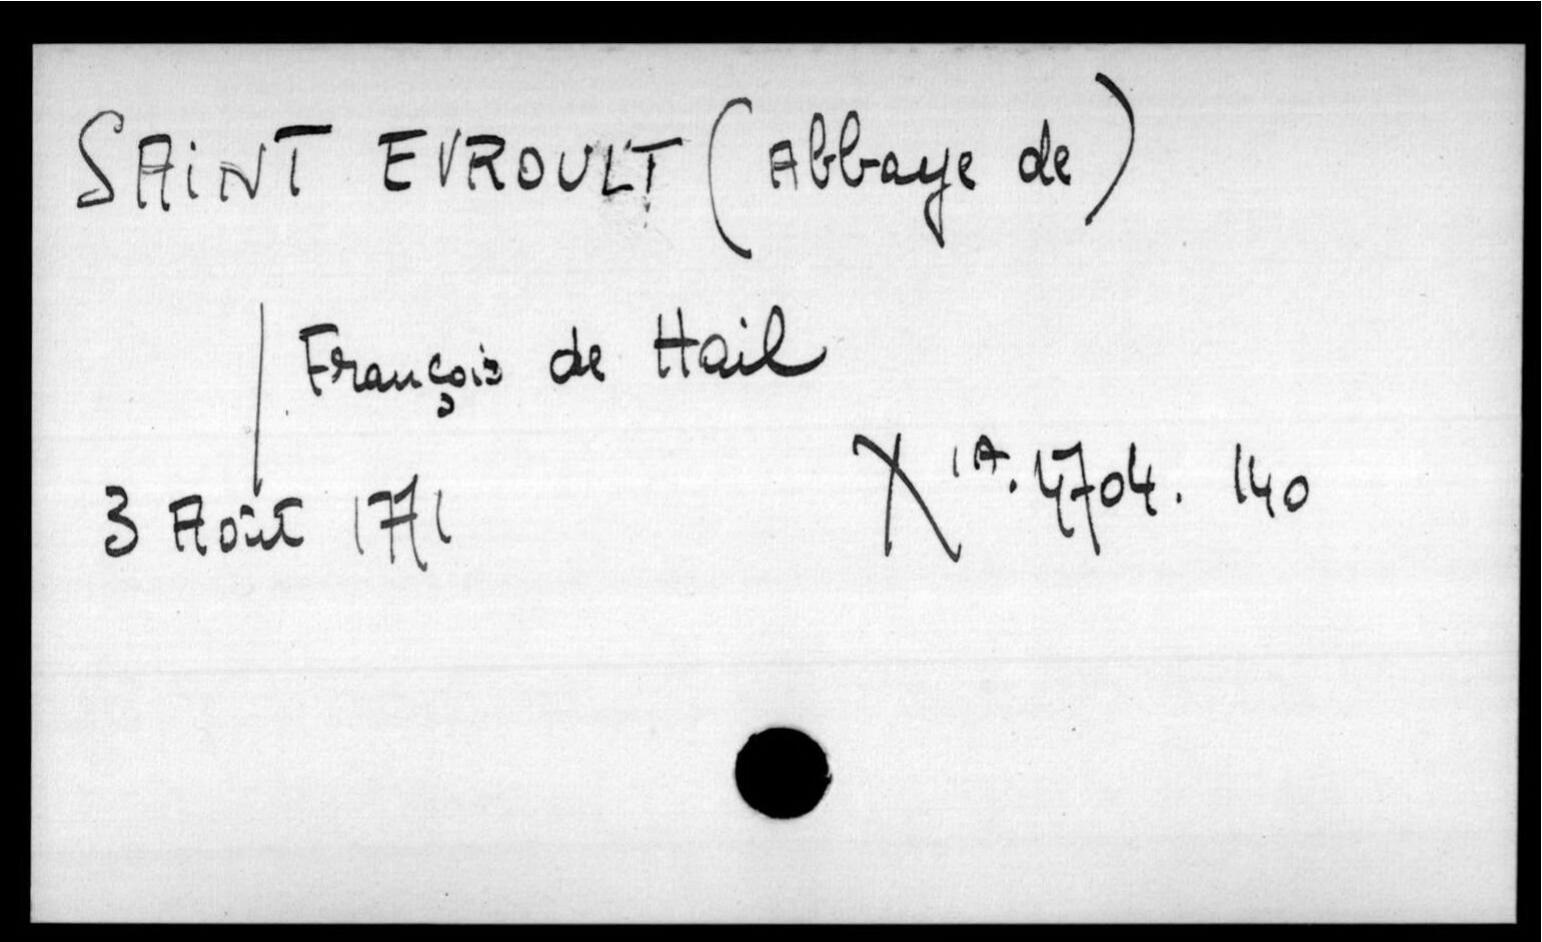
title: SAINT EVROULT (Abbaye de)
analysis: Contre François de Hail
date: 3 août 1771
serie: X1A
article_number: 4704
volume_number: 140
